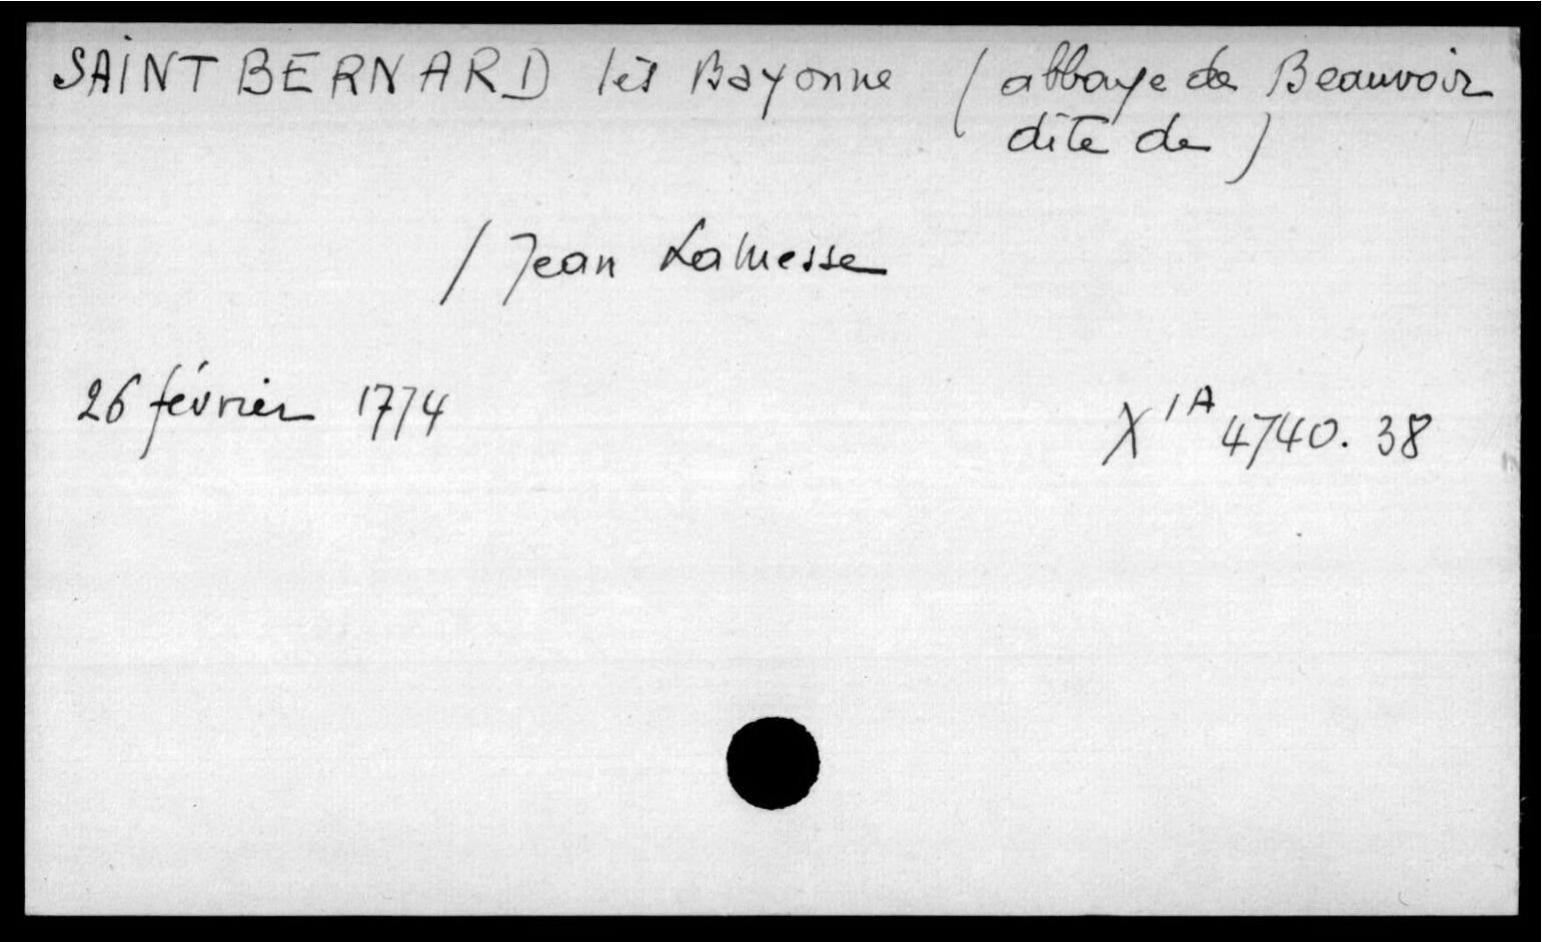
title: SAINT BERNARD lès Bayonne (abbaye de Beauvoir dite de)
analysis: Contre Jean Lamesse
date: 26 février 1774
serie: X1A
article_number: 4740
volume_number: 38
